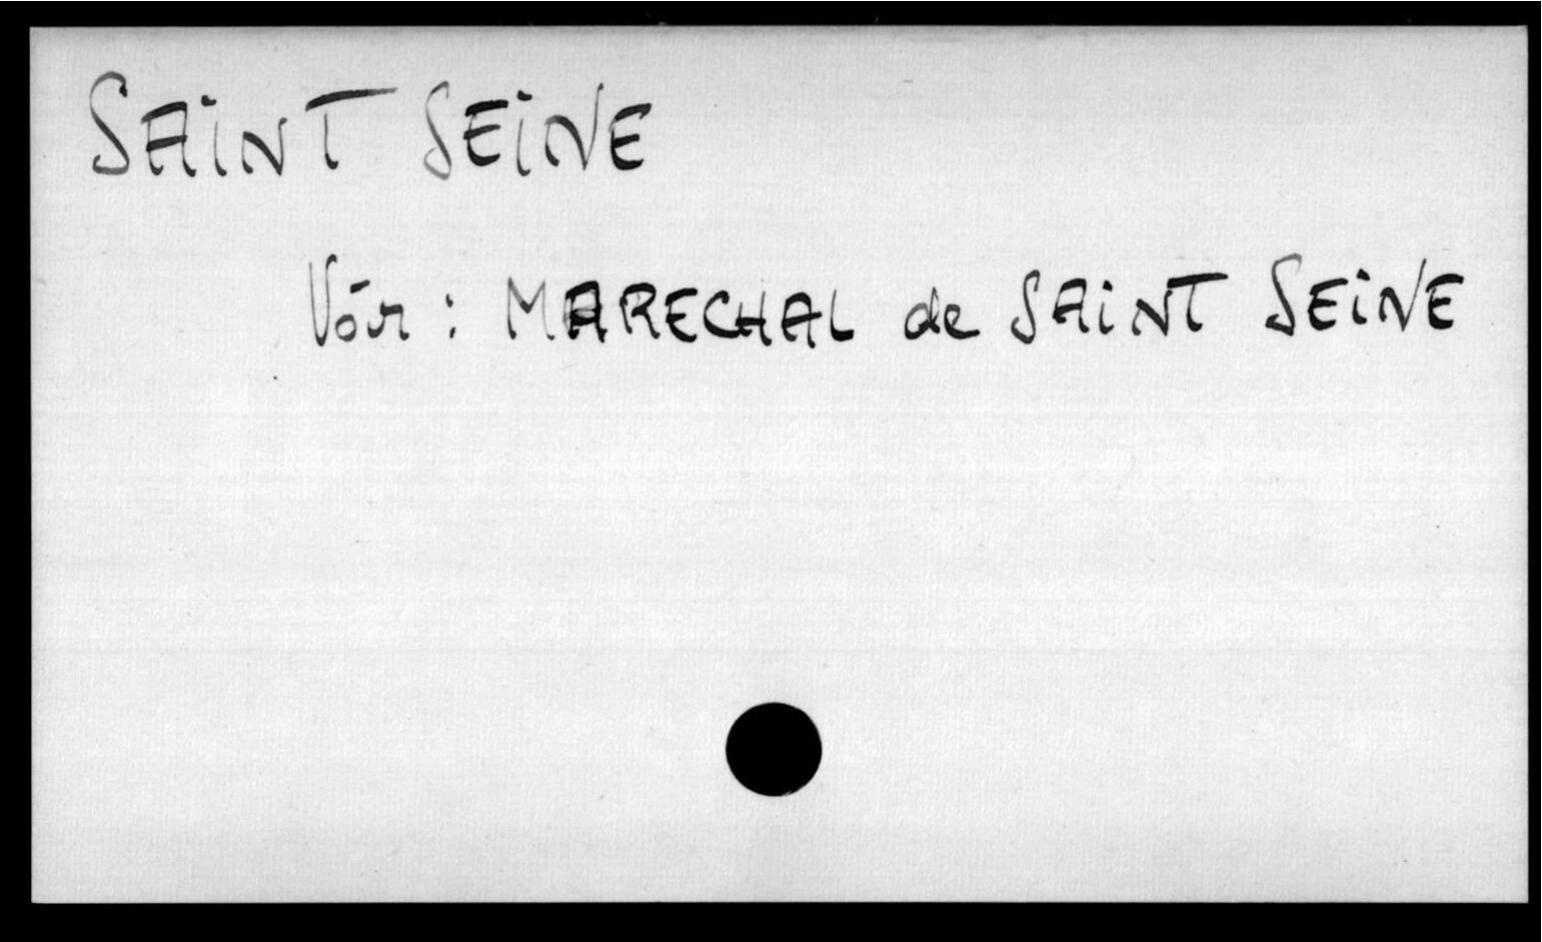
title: SAINT SEINE
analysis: Voir : MARECHAL de SAINT SEINE
